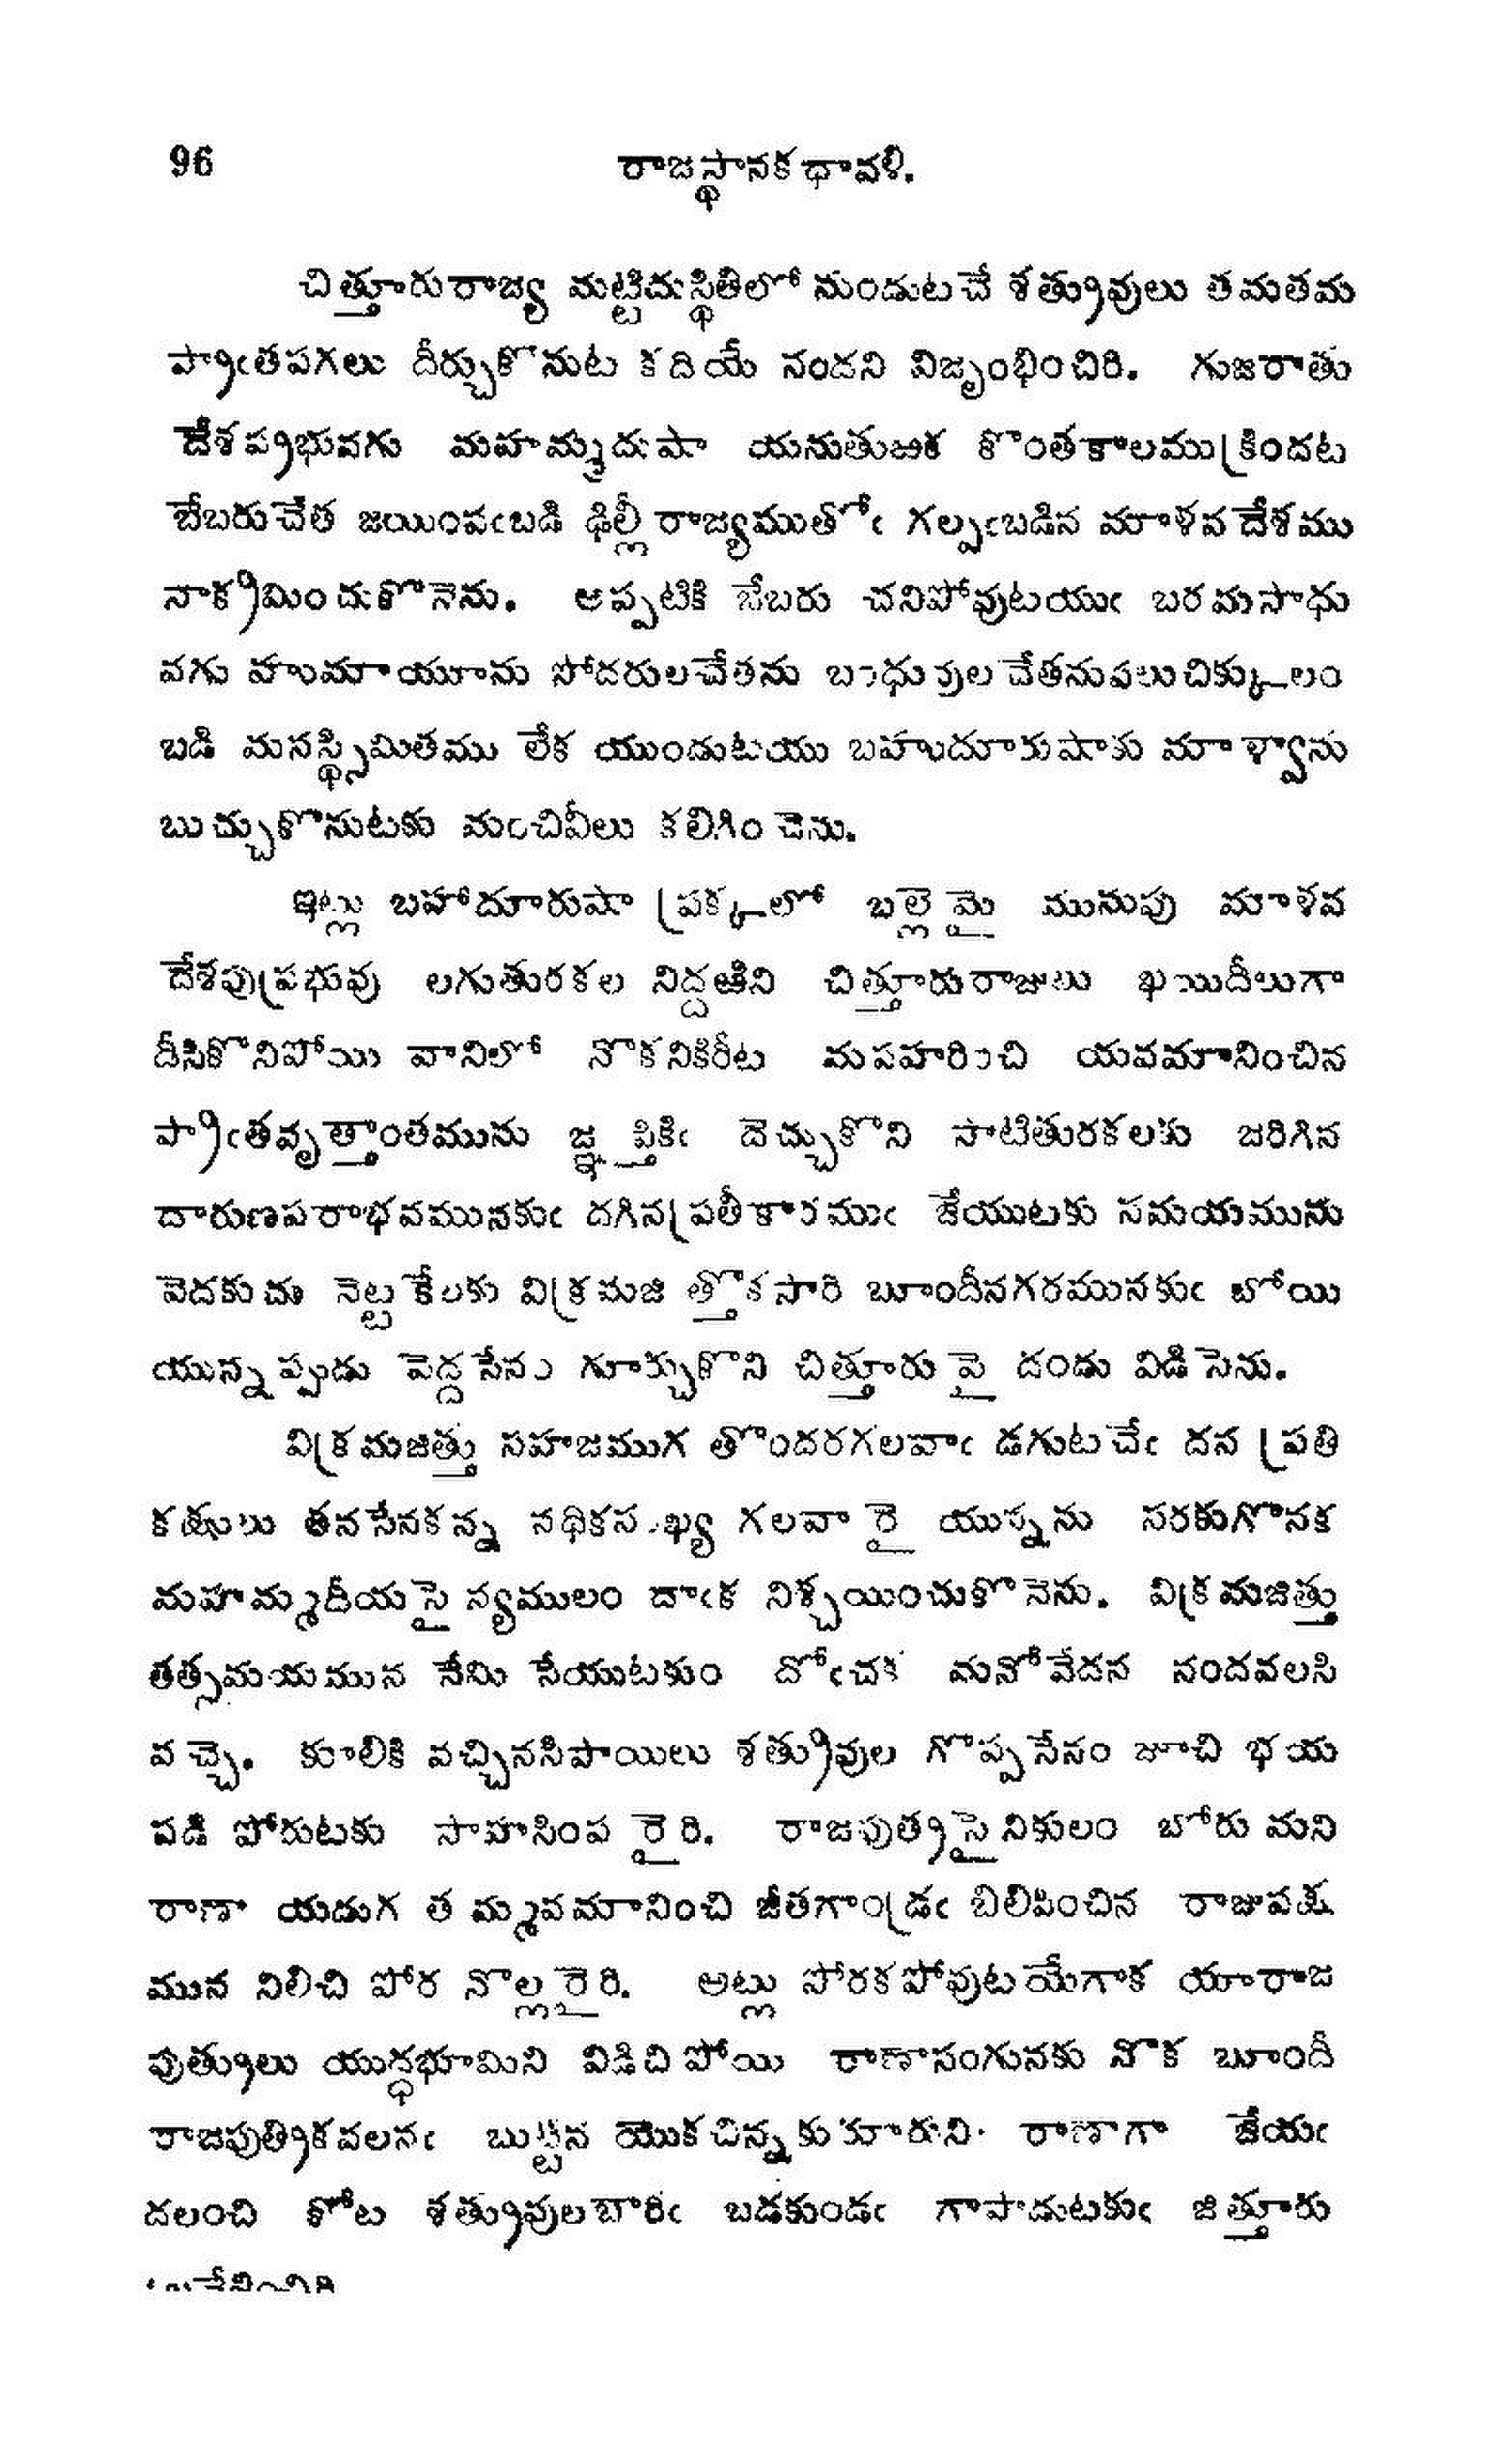చిత్తూరు రాజ్య మట్టిదుస్థితిలో నుండుటచే శత్రువులు తమతమ ప్రాంతపగలు దీర్చుకొనుట కదియే సందని విజృంభించిరి. గుజరాతు
దేశ ప్రభువగు మహమ్మదుషా యనుతుఱక కొంత కాలము క్రిందట బేబరు చేత జయింపఁబడి ఢిల్లీ రాజ్యముతోఁ గల్పఁబడిన మాళవ దేశము నాక్రమించుకొనెను. అప్పటికి జేబరు చనిపోవుటయుఁ బరమసాధువగు హుమాయూను సోదరులచేతను బంధువుల చేతను పలుచిక్కులంబడి మనస్థిమితము లేక యుండుటయు బహుదూరుషాకు మాళ్వాను బుచ్చుకొనుటకు మంచివీలు కలిగించెను.

ఇట్లు బహాదూరుషా ప్రక్కలో బల్లె మై మునుపు మాళవదేశపు ప్రభువు లగుతురకల నిద్దఱిని చిత్తూరు రాజులు ఖయిదీలుగా దీసికొనిపోయి వానిలో నొకనికిరీట మపహరించి యవమానించిన ప్రాంతవృత్తాంతమును జ్ఞప్తికి దెచ్చుకొని సాటితురకలకు జరిగిన దారుణ పరాభవమునకుఁ దగిన ప్రతీకారముఁ జేయుటకు సమయమును వెదకుచు నెట్టకేలకు విక్రమజిత్తోకసారి బూందీనగరమునకుఁ బోయి యున్నప్పుడు పెద్దసేనం గూర్చుకొని చిత్తూరుపై దండు విడిసెను.

విక్రమజిత్తు సహజముగ తొందరగలవాఁ డగుటచేఁ దన ప్రతి కక్షులు తన సేనకన్న నథికసంఖ్య గలవారై యున్నను సరకుగొనక
మహమ్మదీయ సైన్యములం దాఁక నిశ్చయించుకొనెను. విక్రమజిత్తు తత్సమయమున నేమి సేయుటకుం దోఁచక మనోవేదన నందవలసి
వచ్చె. కూలికి వచ్చిన సిపాయిలు శత్రువుల గొప్ప సేనం జూచి భయపడి పోరుటకు సాహసింప రైరి. రాజపుత్ర సైనికులం బోరు మని
రాణా యడుగ తమ్మవమానించి జీతగాండ్రఁ బిలిపించిన రాజుపక్షమున నిలిచి పోర నొల్ల రైరి. అటు పోరకపోవుట యేగాక యారాజపుత్రులు యుద్ధభూమిని విడిచి పోయి రాణాసంగునకు నొక బూందీ రాజపుత్రిక వలనఁ బుట్టిన యొక చిన్న కుమారుని రాణాగా జేయఁ దలంచి కోట శత్రువుల బారిఁ బడకుండఁ గాపాడుటకుఁ జిత్తూరు బ్రవేశించిరి.